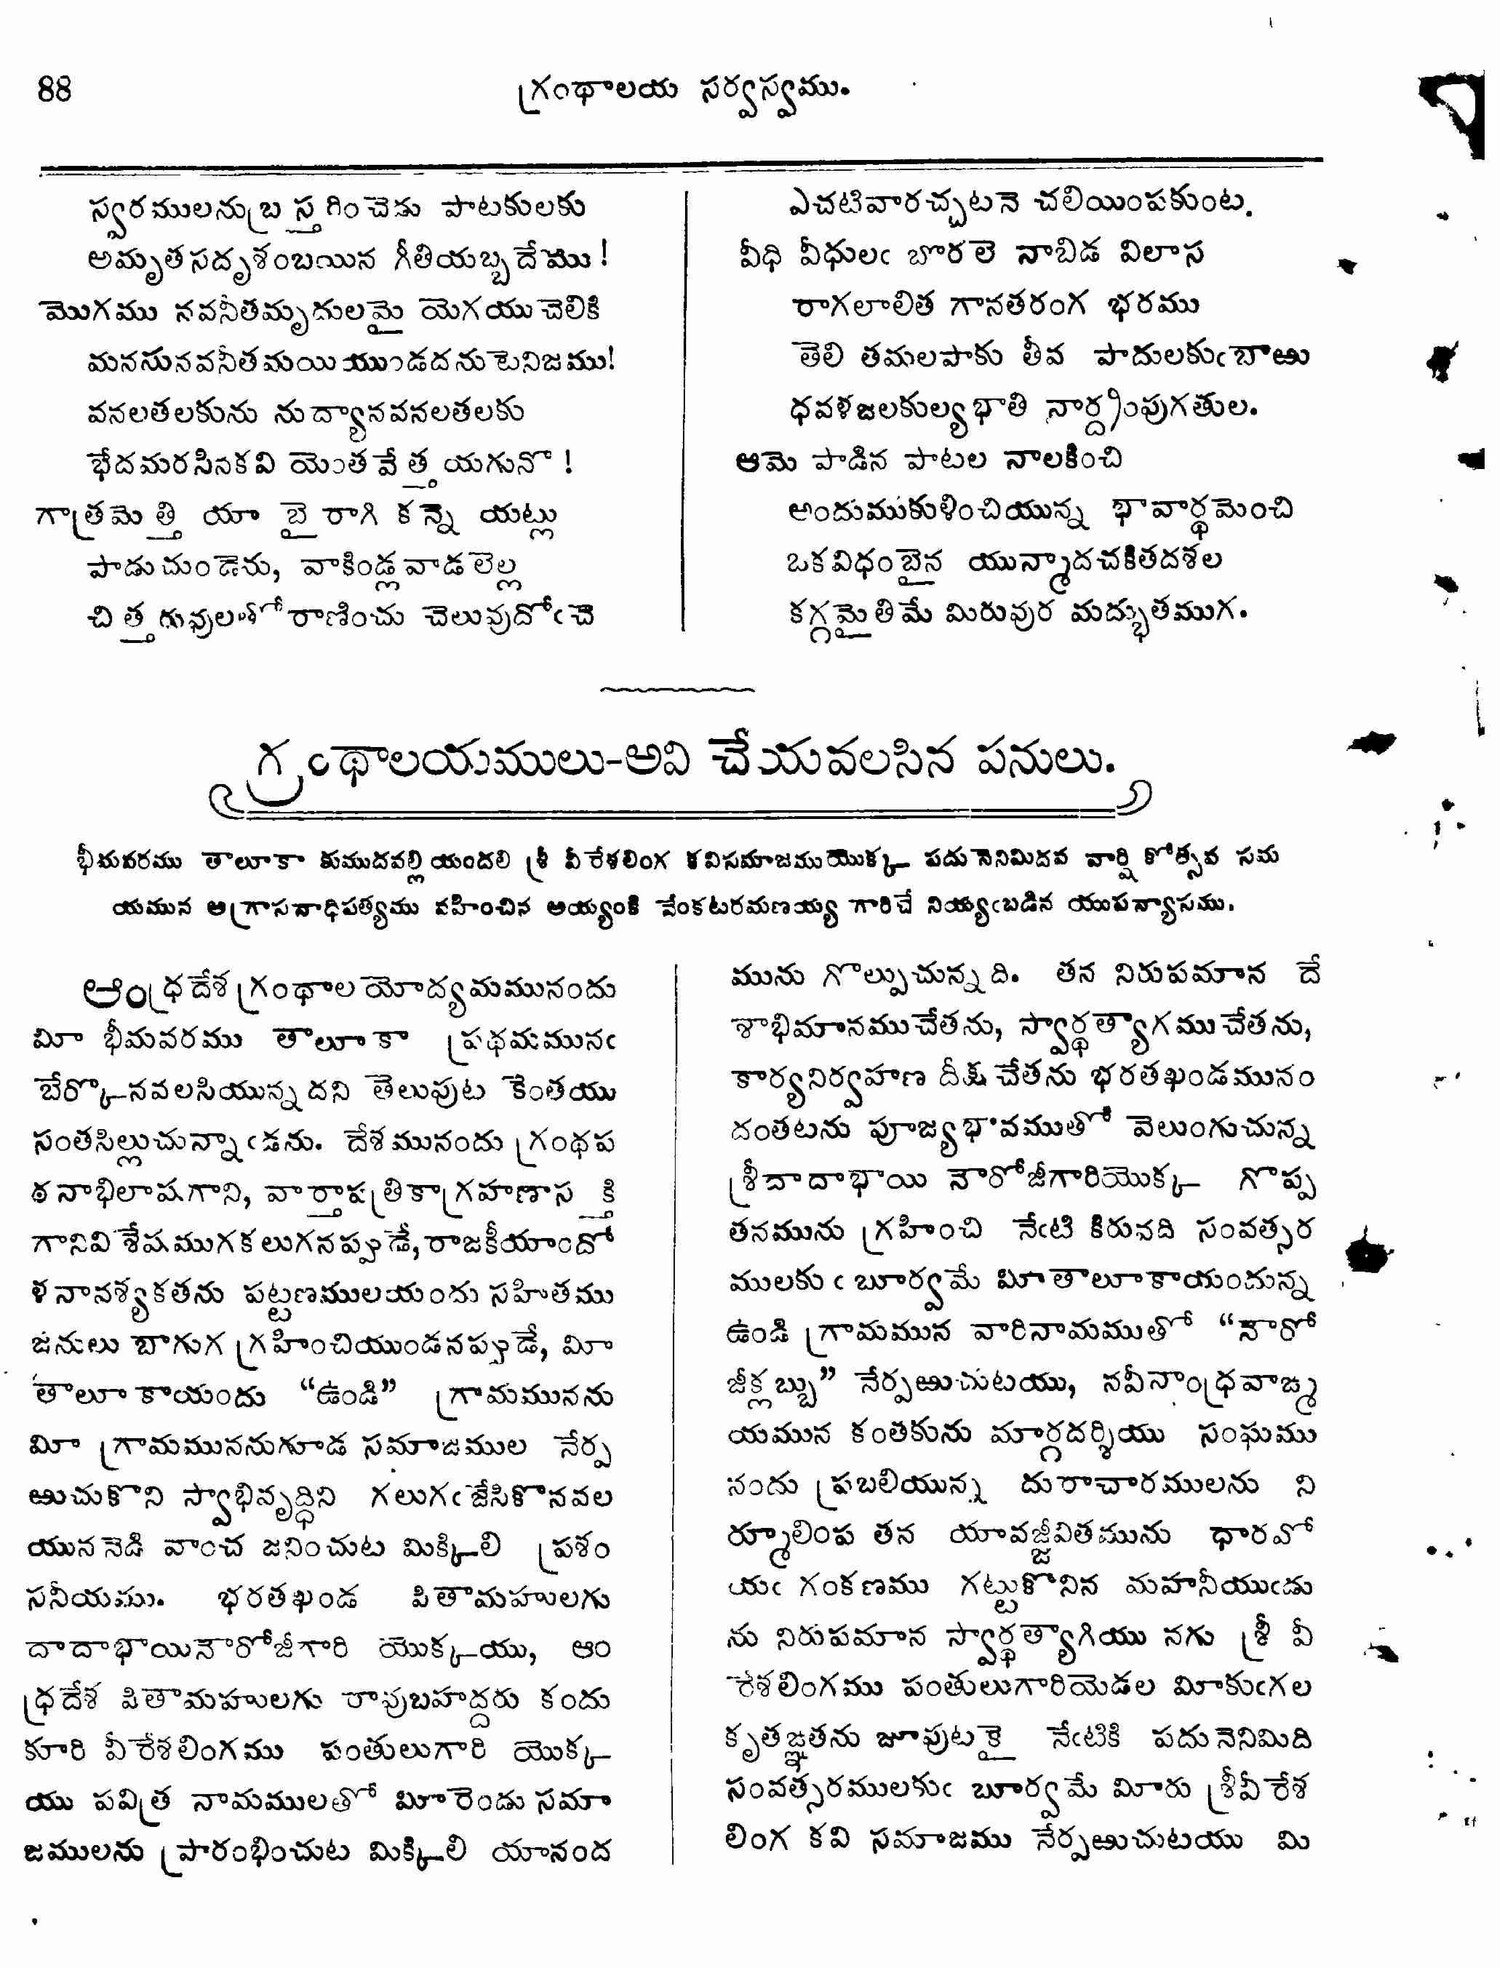స్వరములనుబ్రస్తగించెడు పాటకులకు
అమృతసదృశంబయిన గీతియబ్బదేమొ!

మొగము నవనీతమృదులమై యెగయుచెలికి
మనసునవనీతమయియుండదనుటెనిజము!
వనలతలకును నుద్యానవనలతలకు
భేదమరాసినకవి ఎంతవేత్తయగునో 
 
గాత్రమెత్తి యా బైరాగి కన్నె యట్లు
పాడుచుండెను, వాకిండ్ల వాడలెల్ల
చిత్తరువులలో రాణించు చెలువుదోఁచె
ఎచటివారచ్చటనె చలియింపకుంట.

వీధి వీధులఁ బొరలె నాబిడ విలాస
రాగలాలిత గానతరంగ భరము
తెలి తమలపాకు తీవ పాదులకుఁబాఱు
ధవళజలకుల్య భాతినార్ద్రంపుగతుల.

ఆమె పాడిన పాటల నాలకించి
అందుముకుళించియున్న భావార్థమెంచి
ఒక విధంబైన యున్మాద చకితదశల
కగ్గమైతిమే మిరువుర మద్భుతముగ.

ఆంధ్రదేశ గ్రంథాలయోద్యమమునందు
మీ భీమవరము తాలూకా ప్రథమమునఁ
బేర్కొనవలసియున్నదని తెలుపుట కెంతయు
సంతసిల్లుచున్నాఁడను. దేశమునందు గ్రంథపఠనాభిలాషగాని, వార్తాపత్రికాగ్రహణాసక్తి
గానివిశేషముగకలుగనప్పుడే, రాజకీయాందోళనావశ్యకతను పట్టణములయందు సహితము
జనులు బాగుగ గ్రహించియుండనప్పుడే, మీ
తాలూకాయందు “ఉండి" గ్రామమునను
మీ గ్రామముననుగూడ సమాజముల నేర్పఱుచుకొని స్వాభివృద్ధిని గలుగఁ జేసికొనవలయుననెడి వాంచ జనించుట మిక్కిలి ప్రశంసనీయము. భరతఖండ పితామహులగు దాదాభాయి నౌరోజీగారి యొక్కయు, ఆంధ్రదేశ పితామహులగు రావు బహద్దరు కందుకూరి వీరేశలింగము పంతులుగారి యొక్కయు పవిత్ర నామములతో మీరెండు సమాజములను ప్రారంభించుట మిక్కిలి యానందమును గొల్పుచున్నది. తన నిరుపమాన దేశాభిమానముచేతను, స్వార్థ త్యాగము చేతను,
దీక్ష చేతను భరతఖండమునం
కార్యనిర్వహణ
దంతటను పూజ్యభావముతో వెలుంగుచున్న
శ్రీ దాదాభాయి నౌరోజీగారియొక్క గొప్పతనమును గ్రహించి నేఁటి కిరువది సంవత్సరములకుఁ బూర్వమే బూతాలూకాయందున్న
ఉండి గ్రామమున వారినామముతో “నౌరోజీ క్లబ్బు" నేర్పఱుచుటయు, నవీనాంధ్ర వాఙ్మయమున కంతకును మార్గదర్శియు సంఘము
నందు ప్రబలియున్న దురాచారములను నిర్మూలింప తన యావజ్జీవితమును ధారవోయఁ గంకణము గట్టుకొనిన మహనీయుఁడును నిరుపమాన స్వార్థత్యాగియు నగు శ్రీ వీరేశలింగము పంతులుగారి యెడల మీకుఁగల కృతజ్ఞతను జూపుటకై నేఁటికి పదు నెనిమిది సంవత్సరములకుఁ బూర్వమే మీరు శ్రీ వీరేశలింగ కవి సమాజము నేర్పఱుచుటయు మి